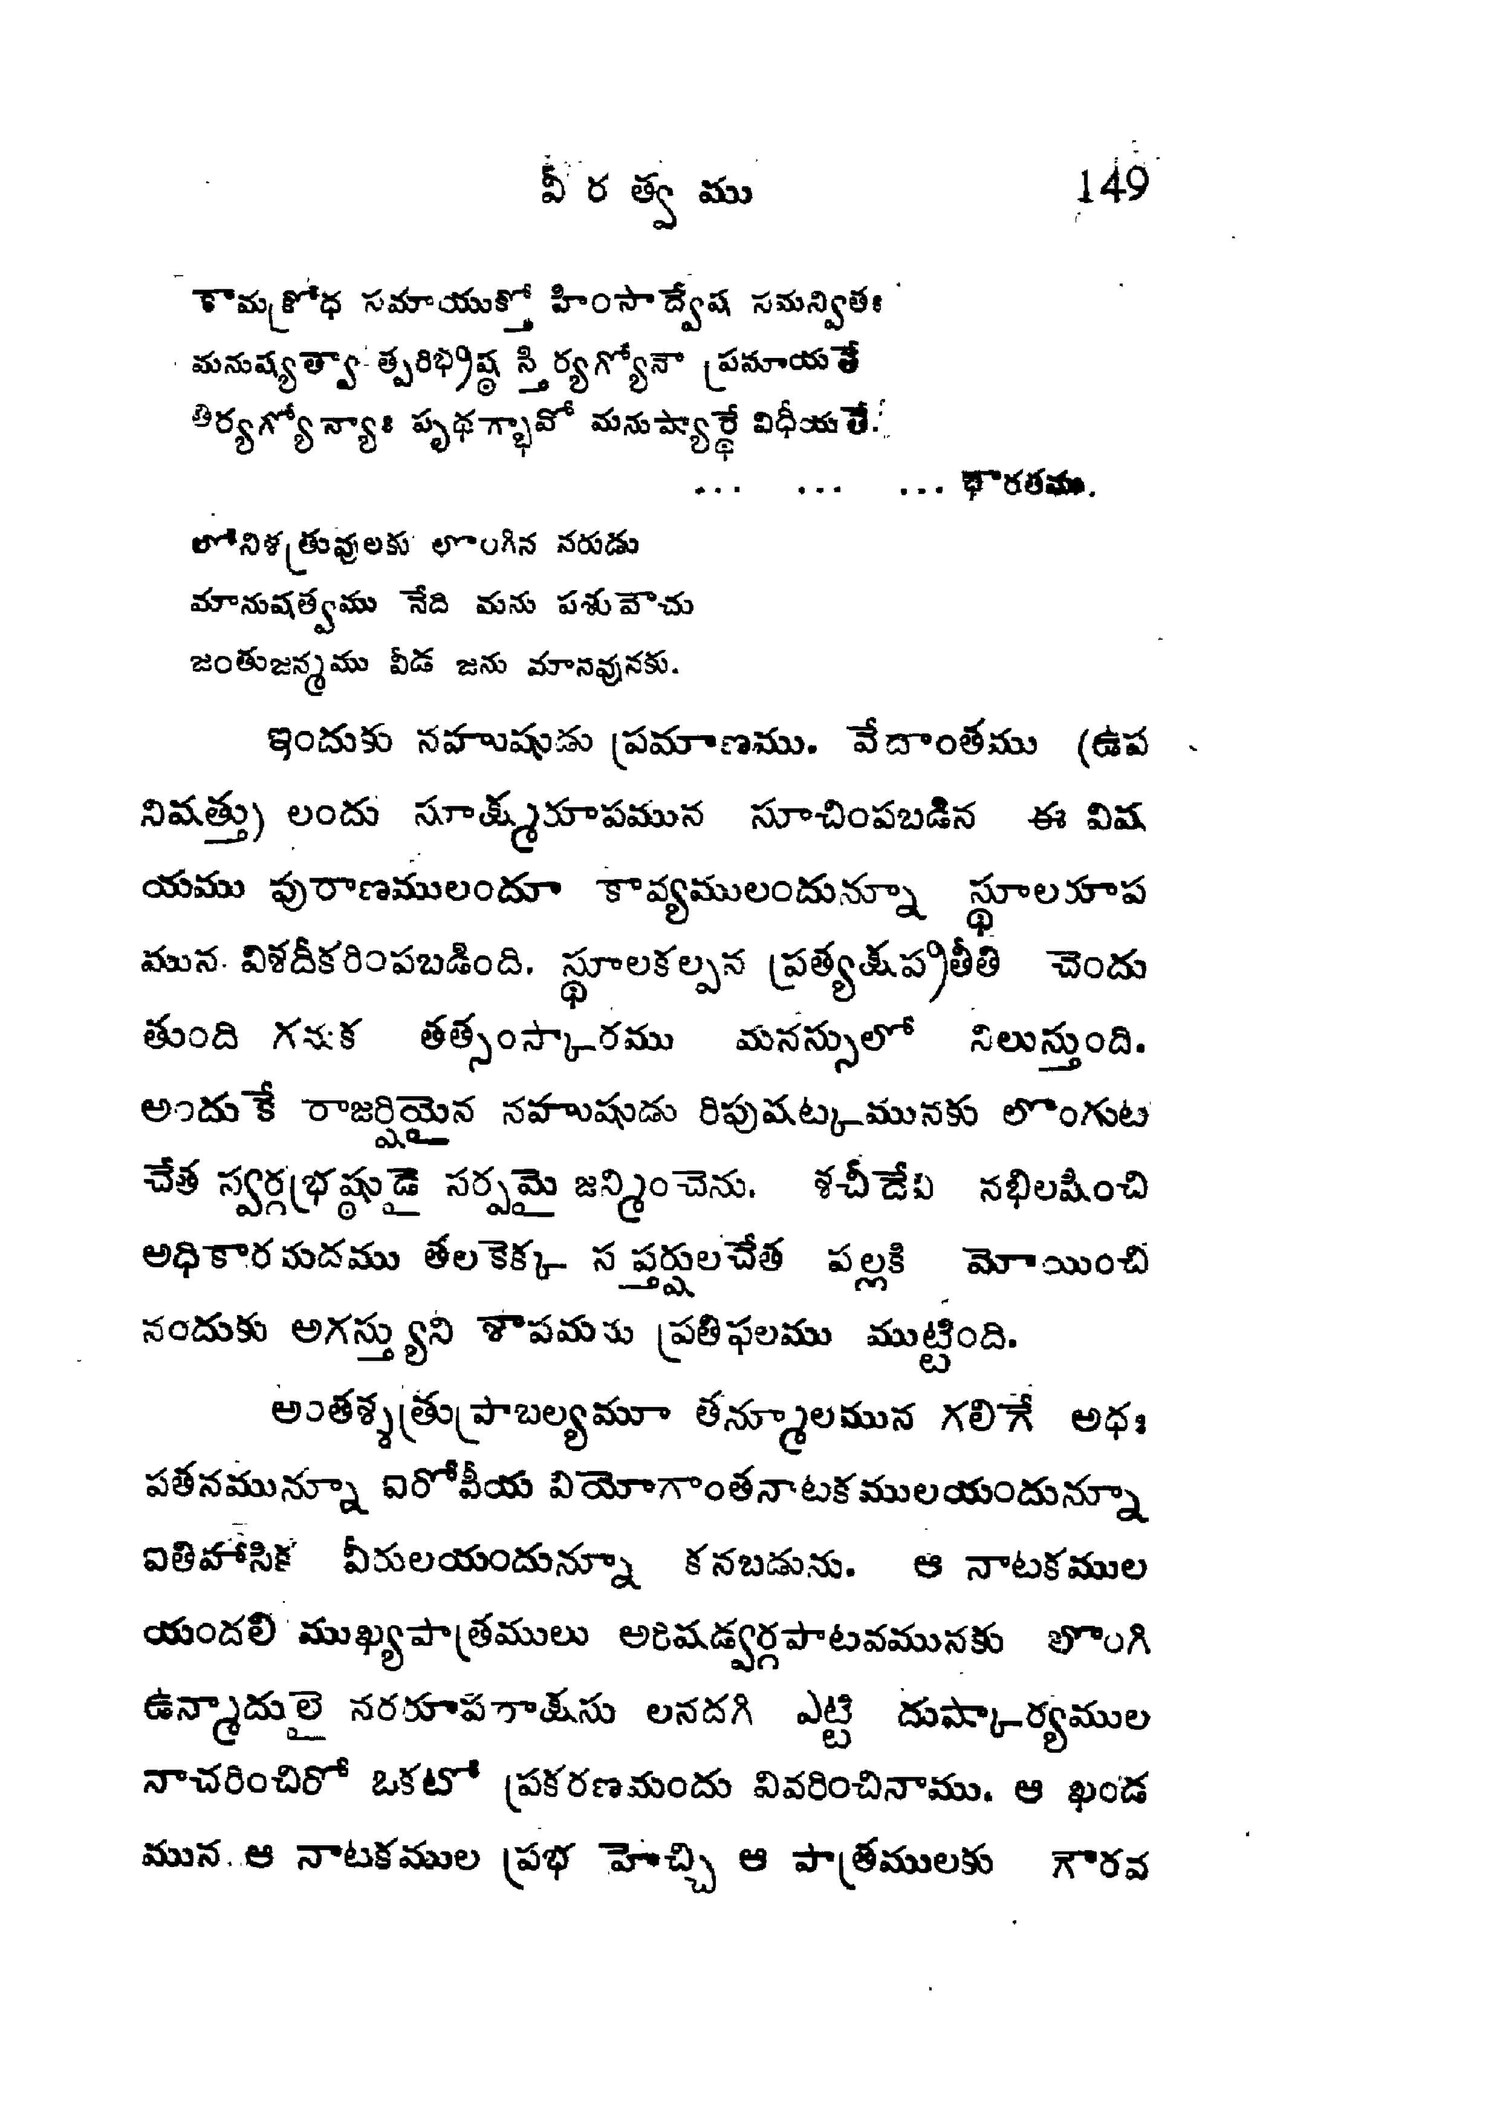కామక్రోధ సమాయుక్తో హింసాద్వేష సమన్విత:
 మనుష్యత్వా త్పరిభ్రష్ఠ స్తిర్యగ్యోనౌ ప్రసూయతే
 తిర్యగ్యోన్యా: పృథగ్భావో మనుష్యార్థే విధీయతే.
 ........ భారతము.
 లోనిశత్రువులకు లొంగిన నరుడు
 మానుషత్వము నేది మను పశువౌచు
 జంతుజన్మము వీడ జను మానవునకు.

ఇందుకు నహుషుడు ప్రమాణము. వేదాంతము (ఉపనిషత్తు) లందు సూక్ష్మరూపమున సూచింపబడిన ఈ విషయము పురాణములందూ కావ్యములందున్నూ స్థూలరూపమున విశదీకరింపబడింది. స్థూలకల్పన ప్రత్యక్షప్రతీతి చెందుతుంది గనుక తత్సంస్కారము మనస్సులో నిలుస్తుంది. అందుకే రాజర్షియైన నహుషుడు రిపుషట్కమునకు లొంగుట చేత స్వర్గభ్రష్ఠుడై సర్పమై జన్మించెను. శచీదేవి నభిలషించి అధికార మదము తలకెక్క సప్తర్షులచేత పల్లకి మోయించి నందుకు అగస్త్యుని శాపమను ప్రతిఫలము ముట్టింది.

అంతశ్శత్రుప్రాబల్యమూ తన్మూలమున గలిగే అధ:పతనమున్నూ ఓరోపీయ వియోగాంతనాటకములయందున్నూ ఐతిహాసిక వీరులయందున్నూ కనబడును. ఆ నాటకముల యందలి ముఖ్యపాత్రములు అరిషడ్వర్గపాటవమునకు లొంగి ఉన్మాదులై నరరూపరాక్షసు లనదగి ఎట్టి దుష్కార్యముల నాచరించిరో ఒకటో ప్రకరణమందు వివరించినాము. ఆ ఖండమున ఆ నాటకముల ప్రభ హెచ్చి ఆ పాత్రములకు గౌరవ